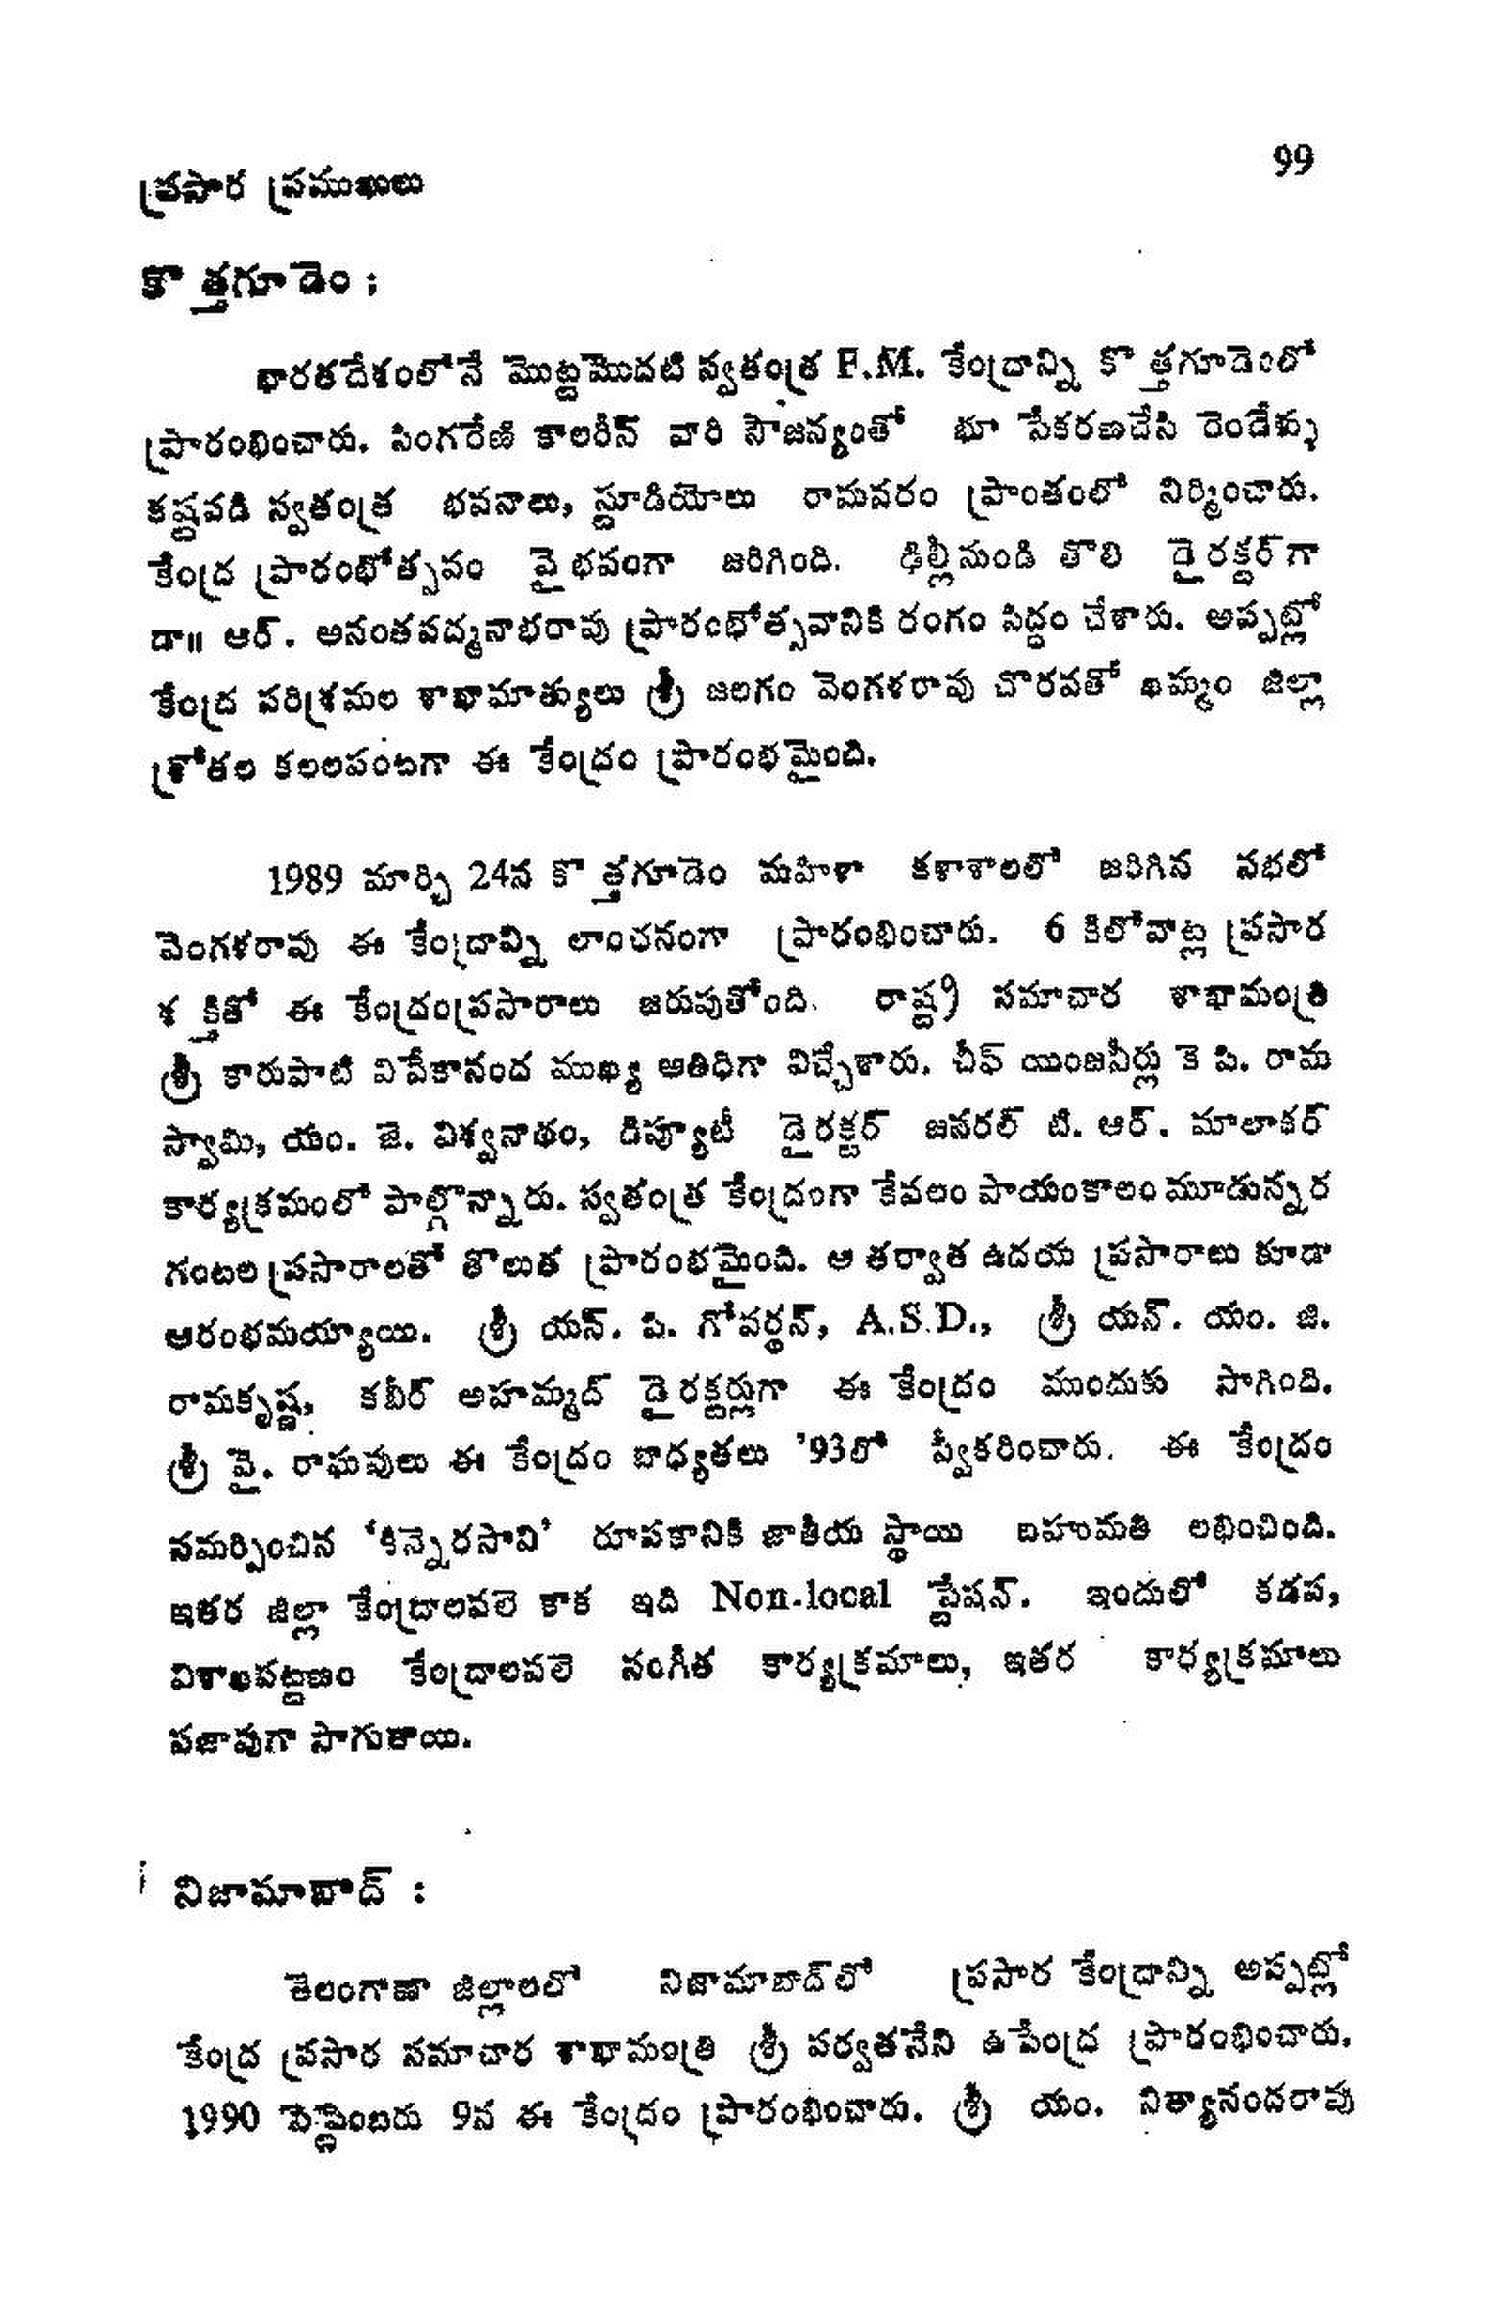భారతదేశంలోనే మొట్టమొదటి స్వతంత్ర F. M. కేంద్రాన్ని కొత్తగూడెంలో ప్రారంభించారు. సింగరేణి కాలరీస్ వారి సౌజన్యంతో భూ సేకరణచేసి రెండేళ్ళు కష్టపడి స్వతంత్ర భవనాలు, స్టూడియోలు రామవరం ప్రాంతంలో నిర్మించారు. కేంద్ర ప్రారంభోత్సవం వైభవంగా జరిగింది. ఢిల్లీనుండి తొలి డైరక్టర్‌గా డా|| ఆర్. అనంతపద్మానాభరావు ప్రారంభోత్సవానికి రంగం సిద్దం చేశారు. అప్పట్లో కేంద్ర పరిశ్రమల శాఖామాత్యులు శ్రీ జలగం వెంగళరావు చొరవతో ఖమ్మం జిల్లా శ్రోతల కలలపంటగా ఈ కేంద్రం ప్రారంభమైంది.

1989 మార్చి 24న కొత్తగూడెం మహిళా కళాశాలలో జరిగిన సభలో వెంగళరావు ఈ కేంద్రాన్ని లాంచనంగా ప్రారంభించారు. 6 కిలోవాట్ల ప్రసారశక్తితో ఈ కేంద్రంప్రసారాలు జరుపుతోంది. రాష్ట్ర సమాచార శాఖామంత్రి శ్రీ కారుపాటి వివేకానంద ముఖ్య అతిధిగా విచ్చేశారు. చీఫ్ యింజనీర్లు కె. పి. రామస్వామి, యం. జె. విశ్వనాథం, డిప్యూటీ డైరక్టర్ జనరల్ టి. ఆర్. మాలాకర్ కార్యక్రంలో పాల్గొన్నారు. స్వతంత్ర కేంద్రంగా కేవలం సాయంకాలం మూడున్నర గంటల ప్రసారాలతో తొలుత ప్రారంభమైంది. ఆ తర్వాత ఉదయ ప్రసారాలు కూడా ఆరంభమయ్యాయి. శ్రీ యన్. సి. గోవర్ధన్, A. S. D. శ్రీ యన్. యం. జి. రామకృష్ణ, కబీర్ అహమ్మద్ డైరక్టర్లుగా ఈ కేంద్రం ముందుకు సాగింది. శ్రీ వై రాఘవులు ఈ కేంద్రం బాధ్యతలు 93లో స్వీకరించారు. ఈ కేంద్రం సమర్పించిన 'కిన్నెరసాని' రూపకానికి జాతీయ స్థాయి బహుమతి లభించింది. ఇతర జిలా కేంద్రాలవలె కాక ఇది NON-Local శ్తేషన్. ఇందులో కడప, విశాఖపట్టణం కేంద్రాలవలె సంగీత కార్యక్రమాలు, ఇతర కార్యక్రమాలు సజావుగా సాగుతాయి.

తెలంగాణా జిల్లాలలో నిజామాబాద్‌లో ప్రసార కేంద్రాన్ని అప్పట్లో కేంద్ర ప్రసార సమాచార శాఖామంత్రి పర్వతనేని ఉపేంద్ర ప్రారంభించారు. 1990 సెప్టెంబరు 9న ఈ కేంద్రం ప్రారంభించారు. శ్రీ యం. నిత్యానందరావు